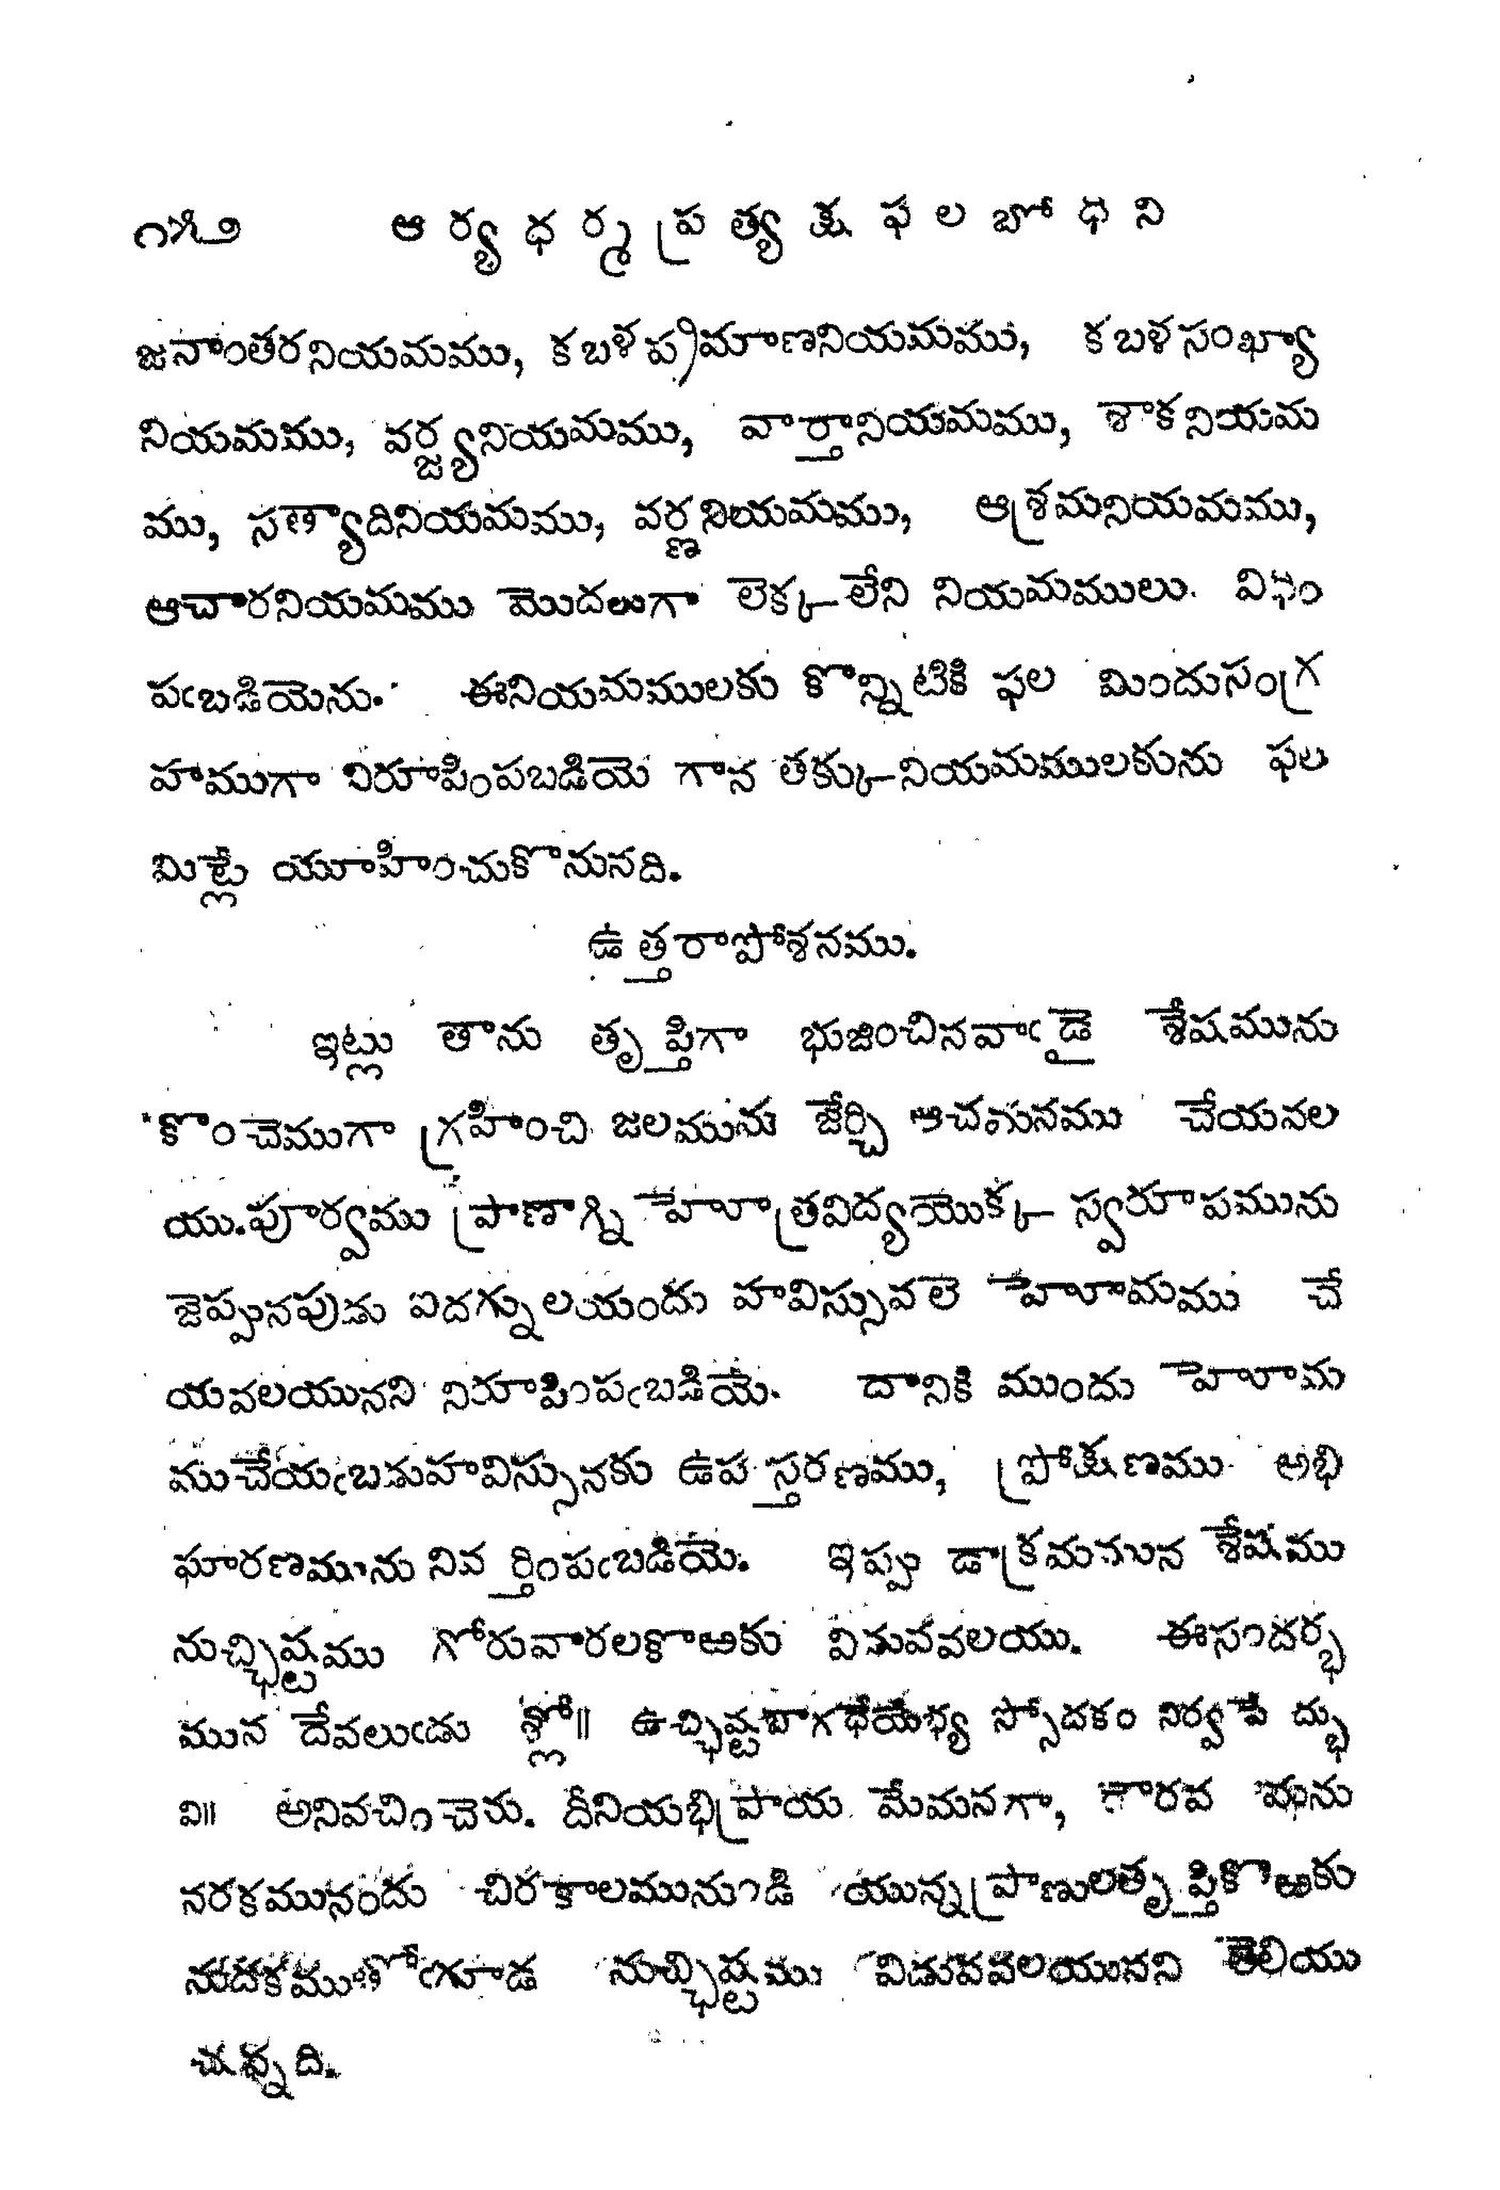జనాంతరనియమము, కబళప్రమాణనియమము, కబళసంఖ్యానియమము, వర్జ్యనియమము, వార్తానియమము, శాకనియమము, సత్యాదినియమము, వర్ణనియమము, ఆశ్రమనియమము,
ఆచారనియమము మొదలుగా లెక్కలేని నియమములు విధింపఁబడియెను. ఈనియమములకు కొన్నిటికీ ఫల మిందుసంగ్రహముగా నిరూపింపబడియె గాన తక్కునియమములకును ఫలమిట్లే యూహించుకొనునది.

ఇట్లు తాను తృప్తిగా భుజించినవాఁడై శేషమును కొంచెముగా గ్రహించి జలమును జేర్చి ఆచమనము చేయవలయు.పూర్వము ప్రాణాగ్ని హోత్రవిద్యయొక్క స్వరూపమును జెప్పునపుడు ఐదగ్నులయందు హవిస్సువలె హోమము చేయవలయునని నిరూపింపఁబడియె. దానికి ముందు హోమముచేయఁబడు హవిస్సునకు ఉపస్తరణము, ప్రోక్షణము అభిఘారణమును నివర్తింపఁబడియె. ఇప్పు డాక్రమమున శేషము నుచ్ఛిష్టము గోరువారలకొఱకు విడువవలయు. ఈసందర్భమున దేవలుఁడు శ్లో॥ ఉచ్ఛిష్టభాగధేయేభ్య స్సోదకం నిర్వపే ద్భువి॥ అనివచించెను. దీనియభిప్రాయ మేమనగా, రౌరవ మను నరకమునందు చిరకాలమునుండి యున్నప్రాణులతృప్తికొఱకు నుదకముతోఁగూడ నుచ్ఛిష్టము విడువవలయునని తెలియు చున్నది.